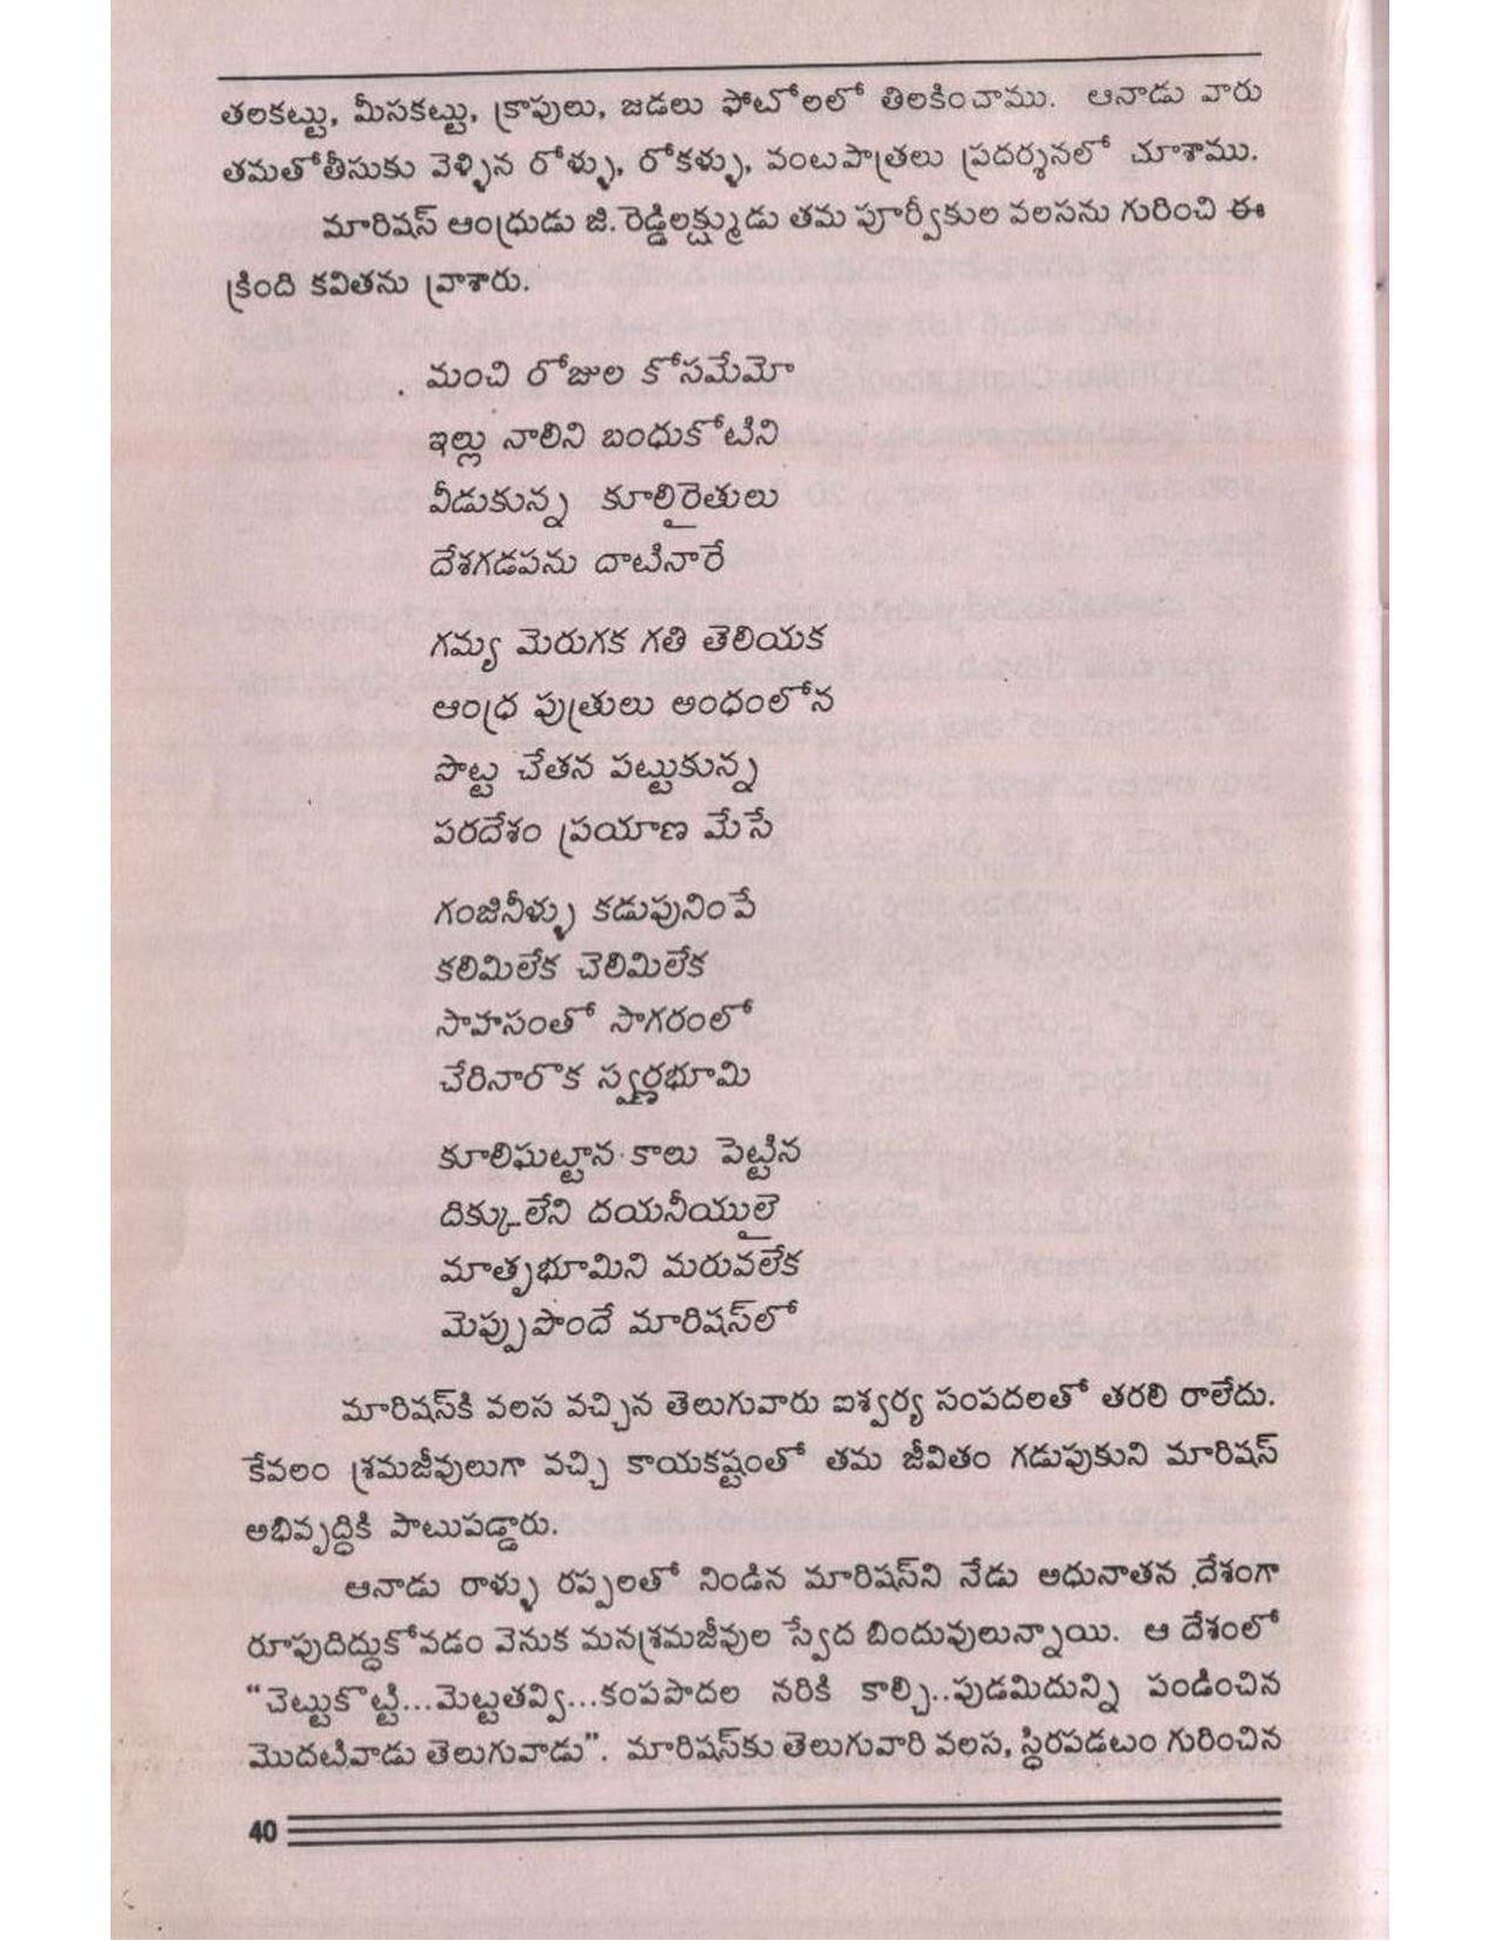తలకట్టు, మీసకట్టు, క్రాపులు, జడలు ఫోటోలలో తిలకించాము. ఆనాడు వారు తమతో తీసుకు వెళ్ళిన రోళ్ళు, రోకళ్ళు, వంటపాత్రలు ప్రదర్శనలో చూశాము.

మారిషస్ ఆంద్రుడు జి.రెడ్డిలక్ష్ముడు తమ పూర్వీకుల వలసను గురించి ఈ క్రింది కవితను వ్రాశారు.

మారిషస్‌కి వలస వచ్చిన తెలుగువారు ఐశ్వర్య సంపదలతో తరలి రాలేదు. కేవలం శ్రమజీవులుగా వచ్చి కాయకష్టంతో తమ జీవితం గడుపుకుని మారిషస్ అభివృద్దికి పాటుపడ్డారు.

ఆనాడు రాళ్ళు రప్పలతో నిండిన మారిషన్‌ని నేడు అధునాతన దేశంగా రూపుదిద్దుకోవడం వెనుక మనశ్రమజీవుల స్వేద బిందువులున్నాయి. ఆ దేశంలో "చెట్టుకొట్టి. మెట్టతవ్వి...కంపపొదల నరికి కాల్చి పుడమిదున్ని పండించిన మొదటివాడు తెలుగువాడు". మారిషస్‌కు తెలుగువారి వలస, స్థిరపడటం గురించిన